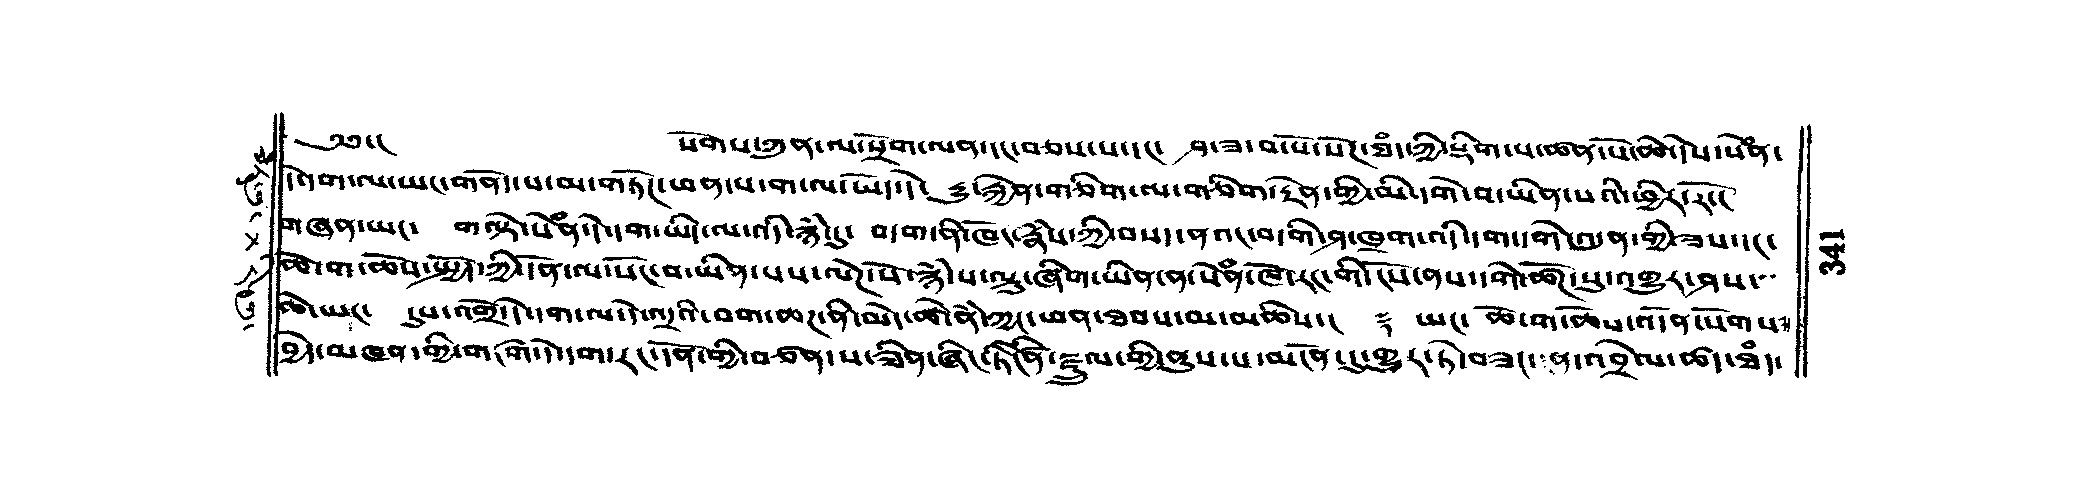སོགསཔཀུནཔལཔསྲོགཔལནཔདངཔབཅསཔ་པདངཔ། ཤཔཟཔབཔ་ོཔསོགསཔཐམསཔཅདཔཀྱིཔསྡིགཔ་པཚནཔ་ོཔཆེཔདེསཔསེམསཔཅན་
དེཔདགཔལཔཡངཔགནོདཔ་པམཔགཏོགསཔཕནཔ་པགཔལཔཡོདཔདེ། རྒྱུཔརྐྱེནཔགཅིགཔལཔགཅིགཔརྟེནཔགྱིཔམིཔདགེཔབཔཡིནཔ་འིཔཕྱིརཔརོ། 
གཞནཔཡངཔགལཔཏེཔསེམསཔཅནཔདེཔདགཔཡིདཔལཔའདིཔསྙམཔདུ། བདགཔནིཔཁོངཔརྣམསཔཀྱིསཔབསདཔནའངཔབདགཔགིཔཤཔཁྲགཔའདིཔདགཔདགེཔའདུནཔགྱིཔཟསཔདང་
ཆོཔགཔཆོསཔསྤྱོདཔཀྱིཔདོནཔལཔསོངཔབཔཡིནཔ་སཔལེགསཔསོཔསྙམཔ་པལྟཔབུཔཞིགཔཡིནཔནཔསེམསཔཅནཔཁོཔརངཔགིཔངོསཔནསཔདགེཔཚོགསཔསུཔའགྱུརཔཤེས་
ཆེཔཡངཔ། དུདཔའགྲོཔདེཔདགཔལཔདེཔའདྲའིཔབགཔཆགསཔནིཔམེདཔཚེཔནམཔཀྱངཔཕནཔཐབསཔམཔམཆིས། ཡངཔཆོཔགཔཆོསཔའདོནཔསོགས་
བྱེདཔམཁནཔགྱིཔགདམསཔངགཔདེཔདགཔརངཔདོནཔགྱིཔབཙནཔསཔཟིནཔཞིངཔཏིངཔའཛིནཔརྫུཔའཕྲུལཔགྱིཔནུསཔ་པམངོནཔདུཔགྱུརཔཏེཔབཟངཔངནཔའབྲེལཔཚདཔཐམསཔཅདཔ